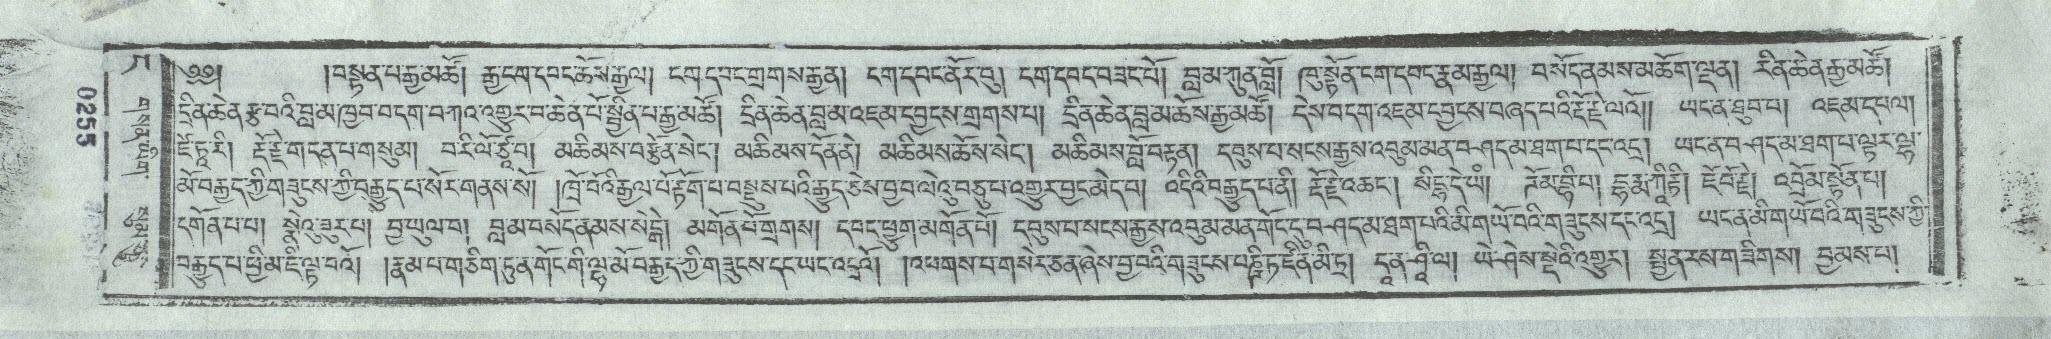༄༅། །བསྟན་པ་རྒྱ་མཚོ། རྒྱ་ངག་དབང་ཆོས་རྒྱལ། ངག་དབང་གྲགས་རྒྱན། ངག་དབང་ནོར་བུ། ངག་དབང་བཟང་པོ། བླ་མ་ཀུན་བློ། ཁུ་སྟོན་ངག་དབང་རྣམ་རྒྱལ། བསོད་ནམས་མཆོག་ལྡན། རིན་ཆེན་རྒྱ་མཚོ།
དྲིན་ཆེན་རྩ་བའི་བླ་མ་ཁྱབ་བདག་བཀའ་འགྱུར་བ་ཆེན་པོ་སྦྱིན་པ་རྒྱ་མཚོ། དྲིན་ཆེན་བླ་མ་འཇམ་དབྱངས་གྲགས་པ། དྲིན་ཆེན་བླ་མ་ཆོས་རྒྱ་མཚོ། དེས་བདག་འཇམ་དབྱངས་བཞད་པའི་རྡོ་རྗེ་ལའོ།། ཡང་ན་ཐུབ་པ། འཇམ་དཔལ།
ཛེ་ཏཱ་རི། རྡོ་རྗེ་གདན་པ་གསུམ། བ་རི་ལོ་ཙཱ་བ། མཆིམས་བརྩོན་སེང་། མཆིམས་དོན་ནེ། མཆིམས་ཆོས་སེང་། མཆིམས་བློ་བརྟན། དབུས་པ་སངས་རྒྱས་འབུམ་མན་བཤད་མ་ཐག་པ་དང་འདྲ། ཡང་ན་བཤད་མ་ཐག་པ་ལྟར་ལྷ་
མོ་བརྒྱ་ཀྱི་གཟུངས་ཀྱི་བརྒྱད་པ་སོར་གནས་སོ། །ཁྲོ་བོའི་རྒྱལ་པོ་རྟོག་པ་བསྡུས་པའི་རྒྱུད་ཅེས་བྱ་བ་ལེའུ་བཅུ་པ་འགྱུར་བྱང་མེད་པ། འདིའི་བརྒྱུད་པ་ནི། རྡོ་རྗེ་འཆང་། སིདྷ་དེ་ཡཾ། ཌོམ་བྷི་པ། དྷ་རྨ་ཀཱིརྟི། ཇོ་བོ་རྗེ། འབྲོམ་སྟོན་པ།
དགོན་པ་པ། སྣེའུ་ཟུང་བ། བྱ་ཡུལ་བ། བླ་མ་བསོད་ནམས་སེངྒེ། མགོན་པོ་གྲགས། དབང་ཕྱུག་མགོན་པོ། དབུས་པ་སངས་རྒྱས་འབུམ་མན་གོང་དུ་བཤད་མ་ཐག་པའི་མི་གཡོ་བའི་གཟུངས་དང་འདྲ། ཡང་ན་མི་གཡོ་བའི་གཟུངས་ཀྱི་
བརྒྱུད་པ་ཕྱི་མ་ཇི་ལྟ་བའོ། །རྣམ་བ་གཅིག་ཏུ་ན་གོང་གི་ལྷ་མོ་བརྒྱད་ཀྱི་གཟུངས་དང་ཡང་འདྲའོ། །འཕགས་པ་གསེར་ཅན་ཞེས་བྱ་བའི་གཟུངས་པཎྜི་ཏ་ཛི་ན་མི་ཏྲ། དཱ་ན་ཤཱི་ལ། ཡེ་ཤེས་སྡེའི་འགྱུར། སྤྱན་རས་གཟིགས། བྱམས་པ།